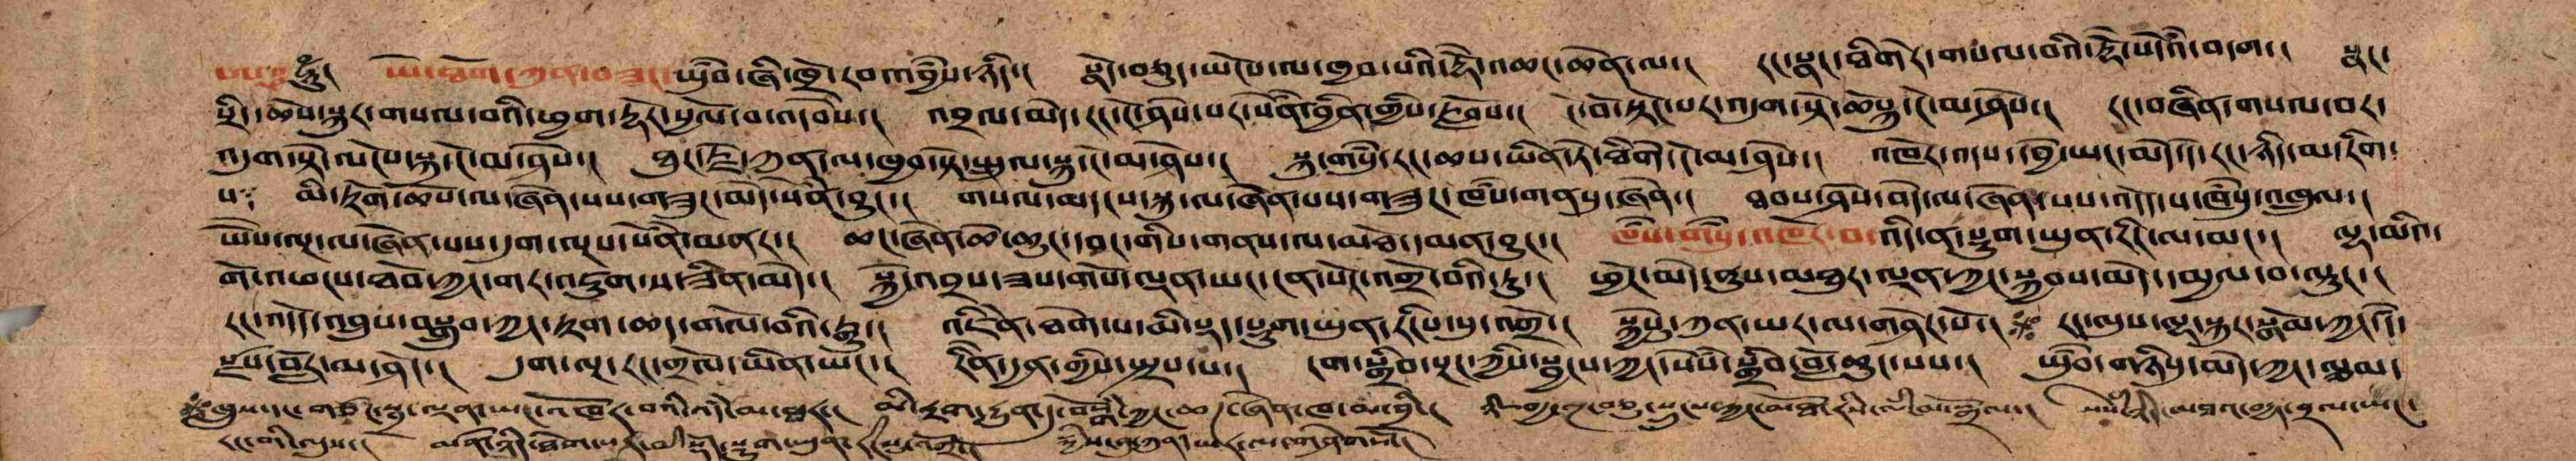ཨཱཿཧཱུཾ། ཡེ་ཐོག་ཀུན་བཟང་ཡབ་ཡུམ་ཞི་ཁྲོ་རབ་འབྱམས་ཉིད།། སྣོད་བཅུད་ཡོངས་ལ་ཁྱབ་པའི་རྡོ་རྗེ་འཆང་ཆེན་ལ།། རང་སྣང་ཐིག་ལེར་གསལ་བའི་རྡོ་རྗེ་སེམས་དཔའི་བདག། སྣང་
སྲིད་ཆོས་སྐུར་གསལ་བའི་ཕྱག་རྡོར་གསོལ་བ་འདེབས།། འབྲལ་མེད་རང་ངོ་ཤེས་པར་སེམས་ཅན་བྱིན་གྱིས་རློབས།། ངོ་བོ་སྟོང་པར་འདུག་སྟེ་ཆོས་སྐུ་ངོ་མ་ཤེས།། རང་བཞིན་གསལ་བར་
འདུག་སྟེ་ལོངས་སྐུ་ངོ་མ་ཤེས།། ཐུགས་རྗེ་ཀུན་ལ་ཁྱབ་སྟེ་སྤྲུལ་སྐུ་ངོ་མ་ཤེས།། སྐུ་གསུམ་རང་ཆས་ཡིན་ཏེ་ཐིག་ལེ་ངོ་མ་ཤེས།། འཁོར་འདས་དབྱེ་ཡང་མེད་དེ་རང་ཉིད་མ་རིག་
པ།། མི་རྟོག་ཆོས་ལ་ཞེན་པས་གཟུགས་མེད་སེམས་ཅན་བྱུང་།། གསལ་མདངས་སྐུ་ལ་ཞེན་པས་གཟུགས་ཁམས་གནས་སུ་ཞེན།། ཐབས་ཤེས་བདེ་ལ་ཞེན་པས་འདོད་པ་ཁམས་སུ་འཁྲུལ།། 
ཡེ་ཤེས་ལྔ་ལ་ཞེན་པས་དུག་ལྔས་སེམས་ཅན་མནར།། ཆགས་ཞེན་ཆེ་ཆུང་དབང་གིས་གནས་ལ་མཐོ་དམན་བྱུང་།། ཁམས་གསུམ་འཁོར་བ་འདི་ན་སྡུག་ཡུན་རིང་ལ་མང་།། ལྷ་མའི་
གོ་འཕང་ཐོབ་ཀྱང་གར་འཇུག་ས་ཟིན་མེད།། སྐྱོ་འབྲས་ཟས་གོས་ལྡན་ཡང་ངན་སོང་འགྲོ་བའི་རྒྱུ།། ཕྱོགས་མེད་ནུས་མཐུར་ལྡན་ཀྱང་སྐྱབས་མེད་དམྱལ་བ་ལྟུང་།། 
རང་འདོད་འབྲས་བུ་བསྒྲུབས་ཀྱང་རྟག་ཆད་གོལ་བའི་རྒྱུ།། འཇིག་རྟེན་ཐེག་པ་མི་སྡད་སྡུག་ཡུན་རིངས་སུ་འགྲོ།། སྐྱེས་བུ་ཀུན་ཡར་ལ་གཤེགས་སོ།། ཁྲུས་དང་གཙང་སྦྲ་ལྡན་ཡང་འཁོར་བའི་འདམ་མ་ཐར།། མི་རྟག་རྒྱུན་དུ་བསྒོམ་ཀྱང་ཆགས་ཞེན་ཁ་མ་བྲི།། ཉིས་བརྒྱ་ལྔ་བཅུ་སྲུངས་ཀྱང་མཐོ་རིས་ལམ་མ་སྒྲོལ།། སེམས་ཉིད་མཐའ་བརྒྱད་བྲལ་ཡང་རང་གི་ལུས།། མཚན་ཉིད་ཐེག་པར་མི་སྡོད་སྡུག་ཡུན་རིངས་སུ་འགྲོ།། སྐྱེས་བུ་ཀུན་ཡར་ལ་གཤེགས་སོ།། རང་ལུས་ལྷ་སྐུར་སྒོམ་ཀྱང་དམ་
རྫས་བློར་མ་ཤོང་།། དུག་ལྔ་རང་གྲོལ་ཡིན་ཡོང་།། རིན་ཆེན་རྒྱན་གྱིས་སྤྲས་པ།། ངག་སྒྲིབ་སྔགས་ཀྱིས་སྦྱངས་ཀྱང་སེམས་སྒྲིབ་བློ་ཆུང་པས།། ཡབ་ཡུམ་གཉིས་སུ་མེད་ཀྱང་ལྕམ་